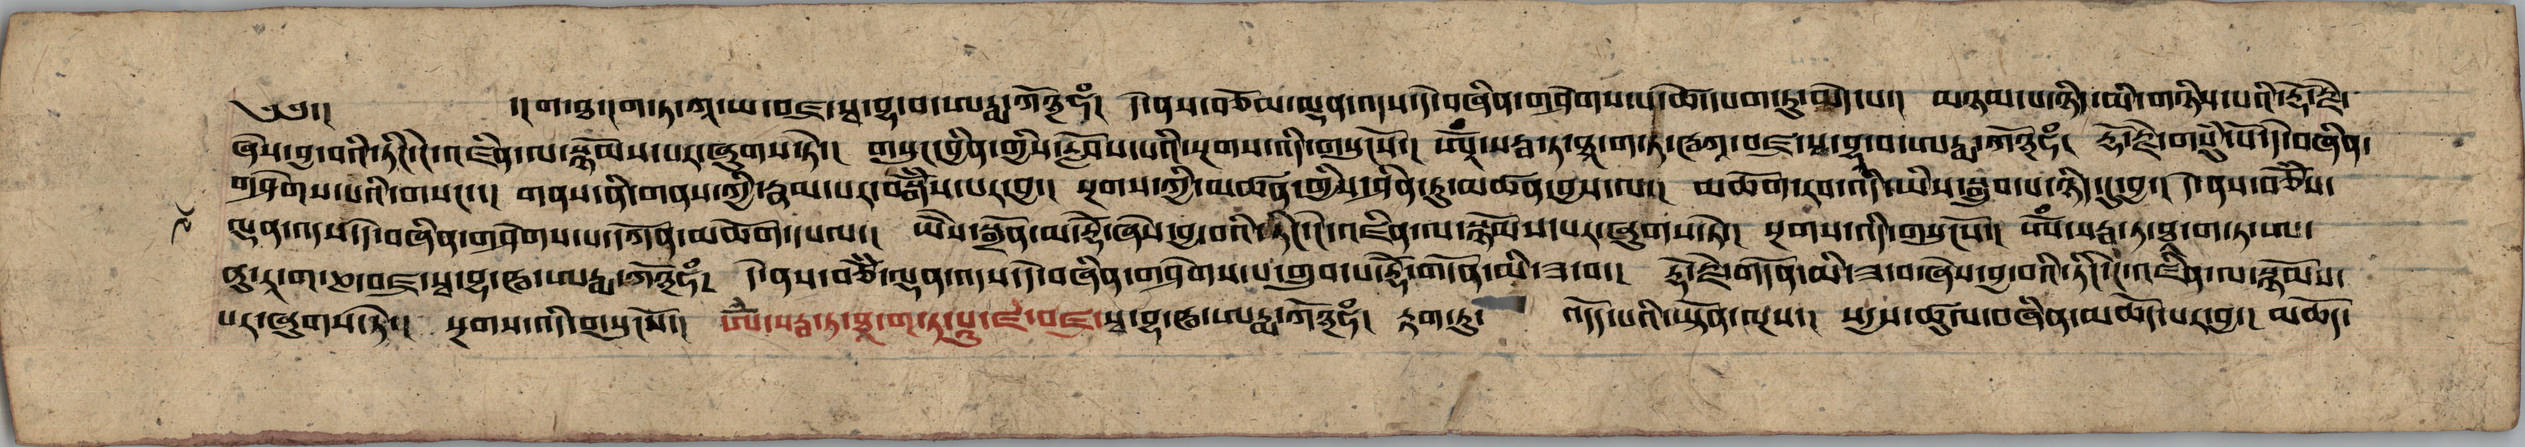༄༅་། ་།ག་ཐ་ངག་ཏ་ཀཱ་ཡ་བཛྲ་སྭ་བྷ་བ་ཨཏྨ་ཀོ྅ཧཾ། དེ་ནས་བཅོམ་ལྡན་འདས་དེ་བཞིན་གཤེགས་པ་ཚེ་དཔག་ཏུ་མེད་པ་། མཉམ་པ་ཉིད་མི་གཉིས་པའི་རྡོ་རྗེ་
ཞེས་བྱ་བའི་ཏིང་ངེ་འཛིན་ལ་སྙོམས་པར་ཞུགས་ཏེ་། གསུང་བྱིན་གྱིས་རློབས་པའི་སྔགས་འདི་གསུངས་སོ་། ཨཱོཾ་སརྦ་ཏ་ཐཱ་ག་ཏ་ཝཀཱ་བཛྲ་སྭ་བྷ་བ་ཨཏྨ་ཀོ྅ཧཾ། རྡོ་རྗེ་གསུཾ་པོ་དེ་བཞིན་
གཤེགས་པའི་གསང་་། གནས་ནི་གནས་ཀྱི་རྣམ་པར་བསྒོཾས་པར་བྱ་། སྔགས་ཀྱི་མཚན་གྱིས་ཤིན་ཏུ་མཚན་བྱས་པ་། མཆོག་རབ་འདི་ཡིས་སྒྲུབ་པ་ཉིད་དུ་བྱ་། དེ་ནས་བཅོཾས་
ལྡན་འདས་དེ་བཞིན་གཤེགས་པ་དཀོན་མཆོག་དཔལ་། ཡཻས་སྒྲོན་མ་རྡོེ་ཞེས་བྱ་བའི་ཏིང་ངེ་འཛིན་ལ་སྙོམས་པར་ཞུགས་ཏེ་། སྔགས་འདི་གསུངསོ་། ཨོཾ་སརྦ་ཏ་ཐཱ་ག་ཏ་ཨ་
ནུ་རཱ་ག་ཎ་བཛྲ་སྭ་བྷ་ཝ་ཨཏྨ་ཀོ྅ཧཾ། དེ་ནས་བཅོཾ་ལྡན་འདས་དེ་བཞིན་གཤེགས་པ་གྲུབ་པ་རྡོེ་གདོན་མི་ཟ་བ་། རྡོ་རྗེ་གདོན་མི་ཟ་བ་ཞེས་བྱ་བའི་ཏིང་ངེ་ཛིན་ལ་སྙོམས་
པར་བཞུགས་ཏེ་། སྔགས་འདི་གསུངསོ་། ཨོཾ་སརྦ་ག་ཐཱ་ག་ཏ་པཱུ་ཛ་བཛྲ་སྭ་བྷ་ཝ་ཨཏྨ་ཀོ྅ཧཾ། རྟག་ཏུ་ འདོད་པའི་ཡྟོན་ལྔས་། སདྱས་ཚུལ་བཞིན་མཆོད་་པར་བྱ་། མཆོད་